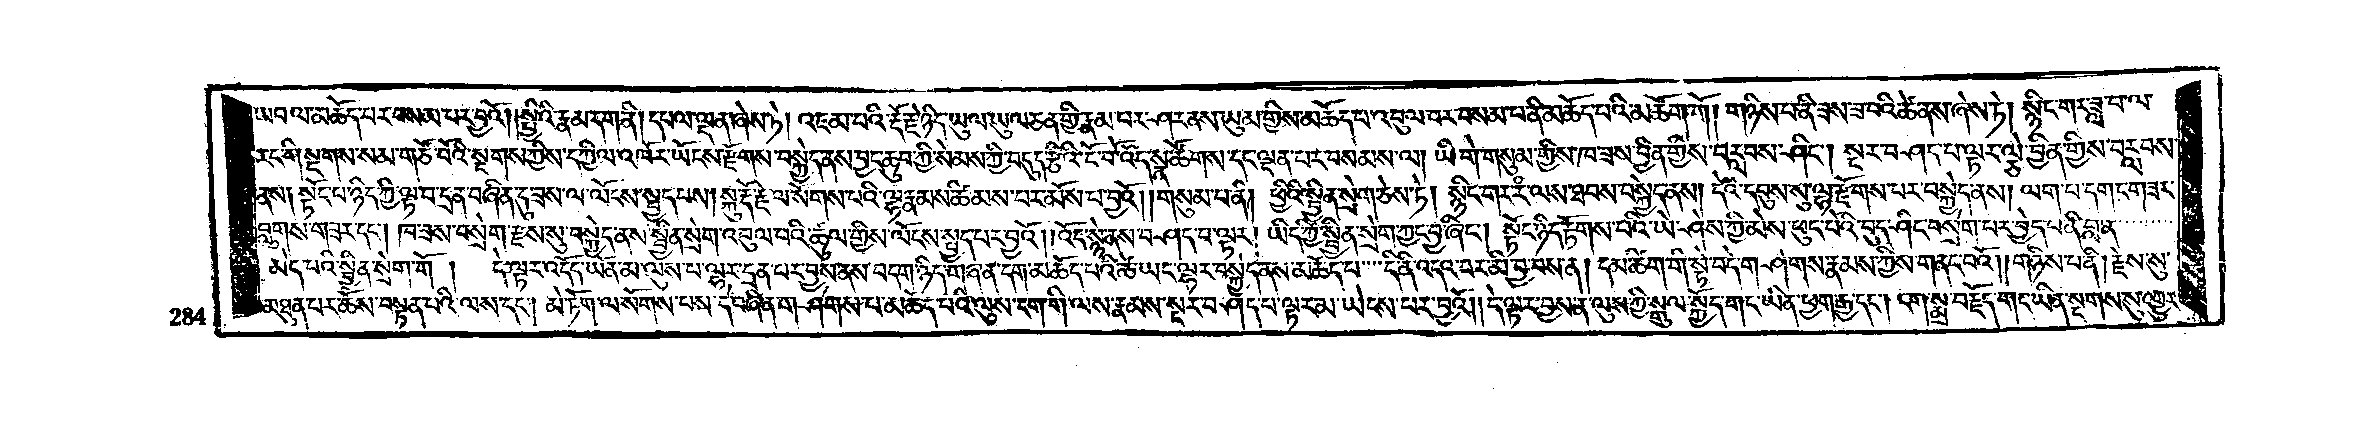ཡབ་ལ་མཆོད་པར་བསམ་པར་བྱའོ། །སྤྱིའི་རྣམ་དག་ནི། དཔལ་ལྡན་ཞེས་ཏེ། འཇམ་པའི་རྡོ་རྗེ་ཉིད་ཡུལ་ཡུལ་ཅན་གྱི་རྣམ་པར་ཤར་ནས་ཡུམ་གྱིས་མཆོད་པ་འབུལ་བར་བསམ་པ་ནི་མཆོད་པའི་མཆོག་གོ །གཉིས་པ་ནི་ཟས་ཟ་བའི་ཚེ་ནས་ཞེས་ཏེ། སྙིང་གར་ཟླ་བ་ལ་
རང་གི་སྔགས་སམ་གཙོ་བོའི་སྔགས་ཀྱིས་དཀྱིལ་འཁོར་ཡོངས་རྫོགས་བསྐྱེད་ནས་བྱང་ཆུབ་ཀྱི་སེམས་ཀྱི་བདུད་རྩིའི་ངོ་བོ་འོད་སྣ་ཚོགས་དང་ལྡན་པར་བསམས་ལ། ཡི་གེ་གསུམ་གྱིས་ཁ་ཟས་བྱིན་གྱིས་བརླབས་ཤིང་། སྔར་བཤད་པ་ལྟར་ལྕེ་བྱིན་གྱིས་བརླབས་
ནས། སྟོང་པ་ཉིད་ཀྱི་ལྟ་བ་དྲན་བཞིན་དུ་ཟས་ལ་ལོངས་སྤྱད་པས། སྐུ་རྡོ་རྗེ་ལ་སོགས་པའི་ལྷ་རྣམས་ཚིམས་པར་མོས་པ་བྱའོ། །གསུམ་པ་ནི། ཕྱིའི་སྦྱིན་སྲེག་ཅེས་ཏེ། སྙིང་གར་རཾ་ལས་ཐབས་བསྐྱེད་ནས། དེའི་དབུས་སུ་ལྷ་རྫོགས་པར་བསྐྱེད་ནས། ལག་པ་དགང་གཟར་
བླུགས་གཟར་དང་། ཁ་ཟས་བསྲེག་རྫས་སུ་བསྐྱེད་ནས་སྦྱིན་སྲེག་འབུལ་བའི་ཚུལ་གྱིས་ལོངས་སྤྱད་པར་བྱའོ། །འོད་སྙེ་ནས་བཤད་པ་ལྟར། ཡིག་ཀྱི་སྦྱིན་སྲེག་ཀྱང་བྱ་ཞིང་། སྟོང་ཉིད་རྟོགས་པའི་ཡེ་ཤེས་ཀྱི་མེས་ཕུང་པོའི་བུད་ཤིང་བསྲེག་པར་བྱེད་པ་ནི་བླ་ན་
མེད་པའི་སྦྱིན་སྲེག་གོ །དེ་ལྟར་འདོད་ཡོན་མ་ལུས་པ་ལྷར་དྲན་པར་བྱས་ནས་བདག་ཉིད་གཞན་དག་མཆོད་པའི་ཚེ་ཡང་ལྷར་བསྐྱེད་ནས་མཆོད་པ་དེ་ནི་འདའ་བར་མི་བྱ་བས་ན། དམ་ཚིག་གི་སྟེ་བདེ་གཤེགས་རྣམས་ཀྱིས་གནང་བའོ། །གཉིས་པ་ནི། རྗེས་སུ་
མཐུན་པར་ཆོས་བསྟན་པའི་ལས་དང་། མེ་ཏོག་ལ་སོགས་པས་དེ་བཞིན་གཤེགས་པ་མཆོད་པའི་ལུས་ངག་གི་ལས་རྣམས་སྔར་བཤད་པ་ལྟར་མ་ཡེངས་པར་བྱའོ། །དེ་ལྟར་བྱས་ན་ལུས་ཀྱི་སྒུལ་སྐྱོད་གང་ཡིན་ཕྱག་རྒྱ་དང་། ངག་སྨྲ་བརྗོད་གང་ཡིན་སྔགས་སུ་འགྱུར་